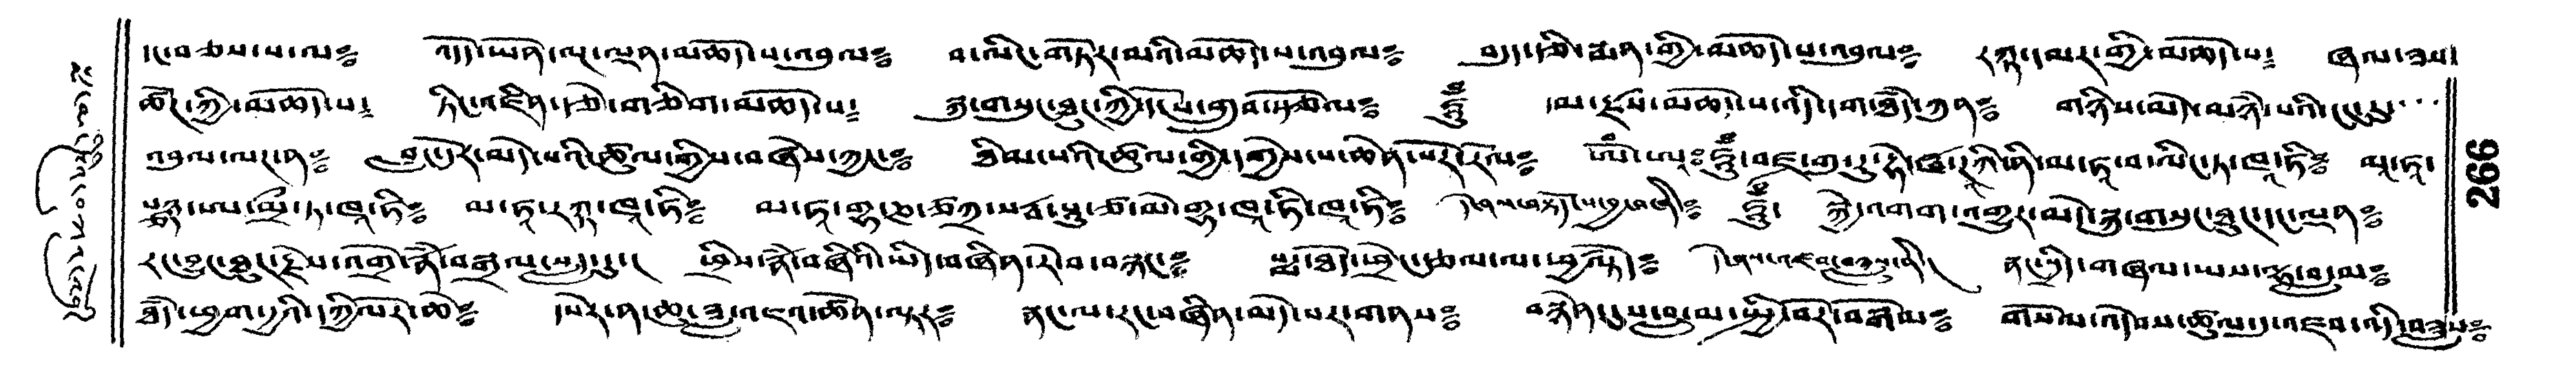དང་བཅས་པ་ལ༔ འདོད་ཡོན་ལྔ་ལྡན་མཆོད་པ་འབུལ༔ བ་ལིང་གཏོར་མའི་མཆོད་པ་འབུལ༔ བདུད་རྩི་སྨན་གྱི་མཆོད་པ་འབུལ༔ རཀྟ་དམར་གྱི་མཆོད་པ༴ ཞལ་ཟས་
ཚོགས་ཀྱི་མཆོད་པ༴ ཏིང་འཛིན་རྩེ་གཅིག་མཆོད་པ༴ སྐུ་གསུང་ཐུགས་ཀྱི་དངོས་གྲུབ་སྩོལ༔ ཧཱུྃ༔ དམ་རྫས་མཆོད་པ་འདི་དག་ཐམས་ཅད་ཀུན༔ གཉིས་མེད་མཉམས་པའི་ངང་དུ་
འབུལ་ལགས་ན༔ བླང་དོར་མེད་པའི་ཚུལ་གྱིས་བཞེས་ནས་ཀྱང༔ ཐིམ་པའི་ཚུལ་གྱིས་དགྱེས་པ་ཆེན་པོར་རོལ༔ ཨོཾ་ཨཱཿཧཱུྃ་བཛྲ་གུ་རུ་དྷེ་ཝ་ཌཱཀྐི་ནི་མ་ཧཱ་བ་ལིང་ཏ་ཁཱ་ཧི༔ མཱ་ཧཱ་
པཉྩ་ཨ་མྲྀ་ཏ་ཁཱ་ཧི༔ མ་ཧཱ་རཀྟ་ཁཱ་ཧི༔ མ་ཧཱ་གྷ་ཎ་ཙཀྲ་སརྦ་པཱུ་ཙ་མེ་གྷ་ཁཱ་ཧི་ཁཱ་ཧི༔ དེ་ནས་བསྟོད་པ་བྱ་བ་ནི། ཧཱུྃ༔ སྐྱེ་འགག་འགྱུར་མེད་སྐུ་གསུང་ཐུགས་དང་ལྡན༔ 
རང་བྱུང་ཐུགས་རྗེས་འགྲོ་རྣམས་སྒྲོལ་སླད་དུ༔ ཕྲིན་ལས་རྣམ་བཞིས་ཡིད་བཞིན་རེ་བ་སྐོང༔ པདྨ་ཐོད་ཕྲེང་རྩལ་ལ་ཕྱག་འཚལ་བསྟོད༔ དེ་ནས་འཛཔྲ་བཟླས་ནི། སྣང་སྲིད་གཞལ་ཡས་ལྷ་བླ་མ༔ 
ཐམས་ཅད་ཕྱག་རྒྱའི་དཀྱིལ་འཁོར་ཆེ༔ དཔེར་ན་ཆུ་ཟླ་འཇའ་ཚོན་ལྟར༔ སྣང་ལ་རང་བཞིན་མེད་པར་གནས༔ བསྙེན་དུས་བླ་མ་སྤྱི་བོར་བསྒོམ། །གསོལ་འདེབས་ཚུལ་དུ་འཛབ་འདི་བཟླས།